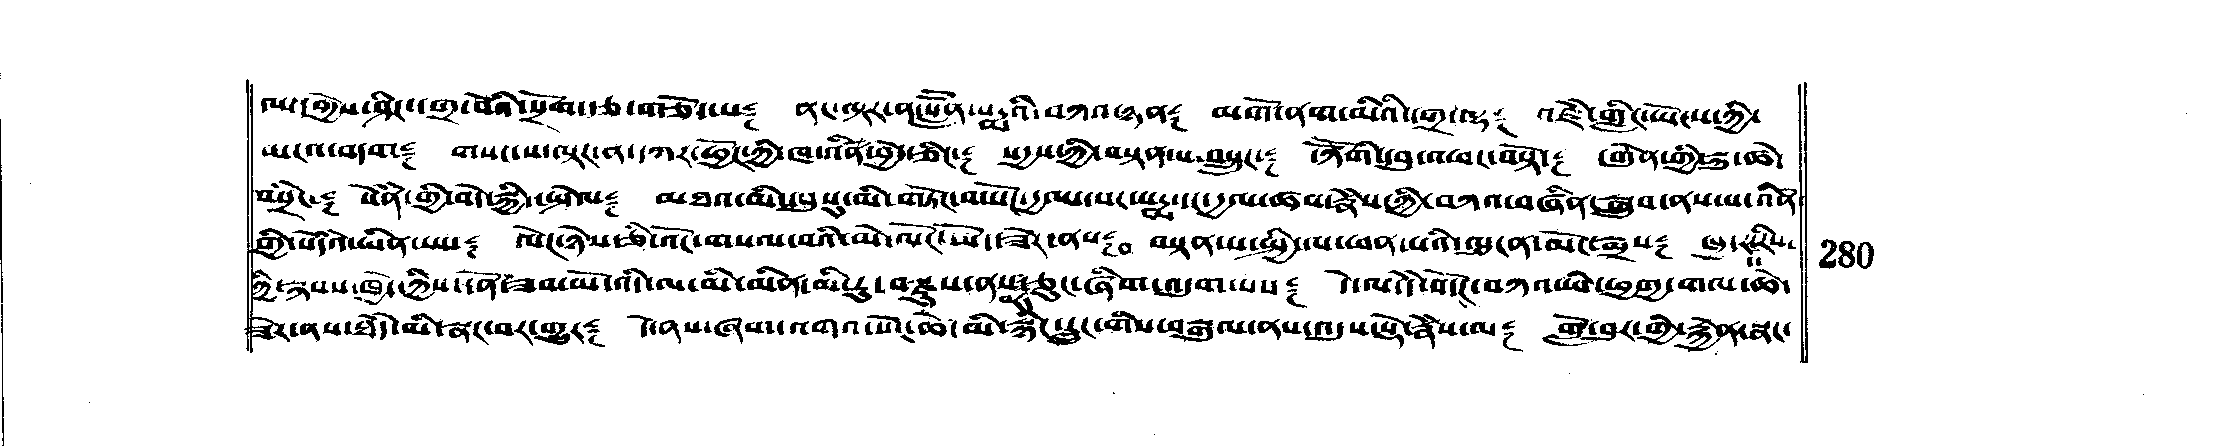ལ་དགྱེས་ཤིང་དགྲ་བོའི་སྲོག་རྩ་གཅོད་པ། ནང་ལྟར་ན་སློབ་དཔོན་པདྨའི་བཀའ་ཉན།མགོ་ནག་མིའི་དགྲ་ལྷ། འཛམ་གླིང་ཡོངས་ཀྱི་
མངའ་བདག གསང་བ་ལྟར་ན་དཀར་ཕྱོགས་ཀྱི་ཁ་འཛིན་བྱེད་ཅིང་། སངས་རྒྱས་ཀྱི་བསྟན་པ་བསྲུང་། དཀོན་མཆོག་གི་དབུ་འཕང་བསྟོད། དགེ་འདུན་གྱི་སྐུ་ཚེ་
བསྲིང་། སེམས་ཅན་གྱི་བདེ་སྐྱིད་སྤེལ། མཐའ་མི་དབུས་སུ་མི་གཏོང་བ་སོགས་རྒྱལ་དབང་པདྨ་དང་རྒྱལ་ཚབ་རྣམས་ཀྱི་བཀའ་བཞིན་སྒྲུབ་ནས་ས་འཛིན་
གྱི་སེམས་དཔའ་ཡིན་པས། ལེགས་ཉེས་ཅི་འོང་གསལ་བའི་མེ་ལོང་ཡོད་ཟེར་ནས། བསྟན་པ་སྤྱི་ལ་ཕན་པའི་ལུང་བསྟན་མང་པོ་སྨྲས། ཁྱད་པར་ད་རེས་
ཀྱི་སྐབས་ཁྱེད་ཀྱིས་དོན་ཟབ་མོ་འདི་ལ་མི་མིན་མི་རུ་བརྫུས་ནས་བར་ཆད་ཅུང་ཞིག་འདུག་པས། དེ་ལ་དམ་གེགས་བཀའ་ཡི་ཕྱག་རྒྱ་གལ་ཆེ་
ཟེར་ནས་ཐམས་ཅད་མི་སྣང་བར་གྱུར། དེ་ནས་ཞག་འགའ་སོང་ཚེ་མི་སྙིང་རླུང་གིས་བསྒུལ་ནས་འདུས་སྡེ་རྣམས་ལ། གློ་བུར་གྱི་རྐྱེན་སྣང་